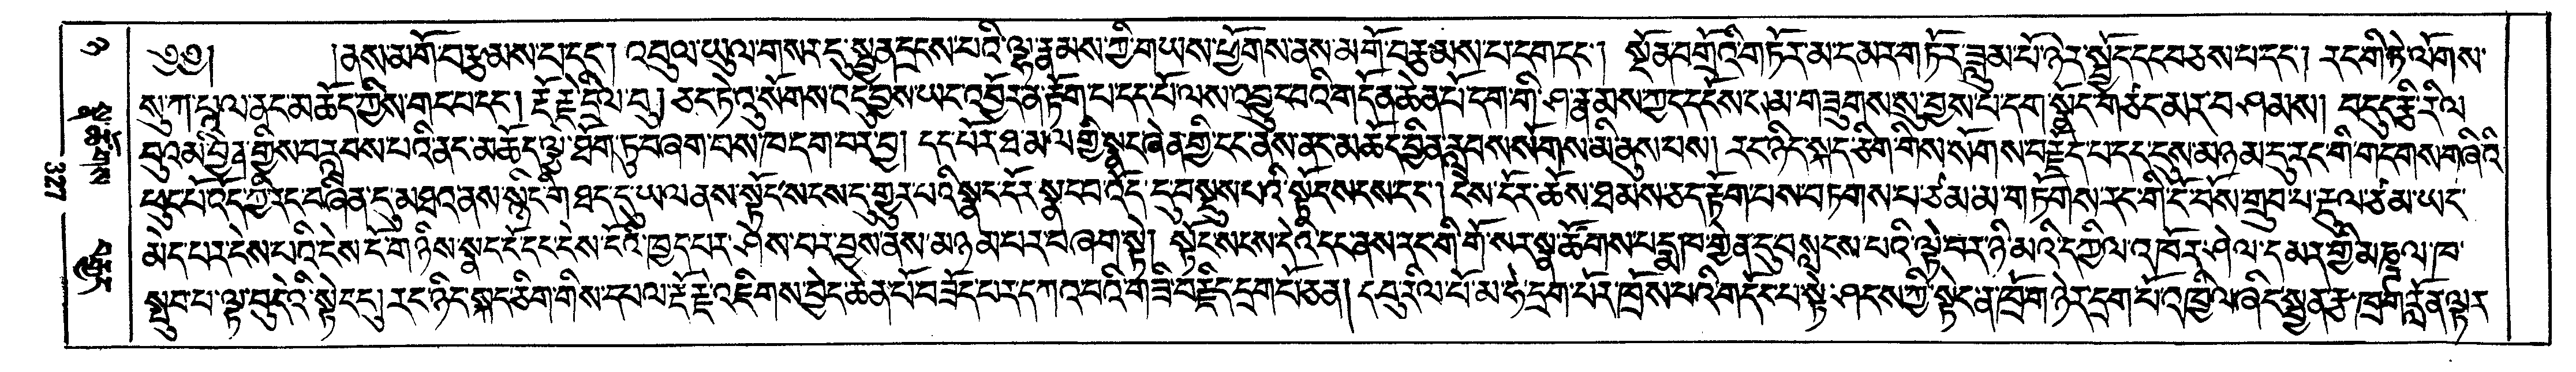༄༅། །ནས་མགོ་བརྩམས་པ་དང་། འབུལ་ཡུལ་གསར་དུ་སྤྱན་དྲངས་པའི་ལྷ་རྣམས་ཀྱི་གཡས་ཕྱོགས་ནས་མགོ་བརྩམས་པ་དག་དང་། སྔོན་འགྲོའི་གཏོར་མ་དམར་གཏོར་ཟླུམ་པོ་ཉེར་སྤྱོད་དང་བཅས་པ་དང་། རང་གི་ཉེ་ལོགས་
སུ་ཀ་པཱ་ལ་ནང་མཆོད་ཀྱིས་གང་བ་དང་། རྡོ་རྗེ་དྲིལ་བུ། ཅང་ཏེའུ་སོགས་འདུ་བྱས། ཡང་འབྱོར་ན་རྟོག་པ་དང་པོ་ལས་འབྱུང་བའི་གདོན་ཆེན་པོ་དག་གི་ཤ་རྣམས་ཀྱང་དངོས་སམ་གཟུགས་སུ་བྱས་པ་དག་སྣོད་གཙང་མར་བཤམས། བདུད་རྩི་རིལ་
བུའམ་བྱིན་གྱིས་བརླབས་པའི་ནང་མཆོད་ལྕེ་ཐོག་ཏུ་བཞག་པས་ཁ་དག་པར་བྱ། དང་པོར་ཐ་མལ་གྱི་སྣང་ཞེན་གྱི་ངང་ནས་མཆོད་བྱིན་རླབས་སོགས་མི་ནུས་པས། རང་ཉིད་སྐད་ཅིག་གིས་སོགས་བརྗོད་པ་དང་དུས་མཉམ་དུ་རང་གི་གདགས་གཞིའི་
ཕུང་པོ་འོད་ཀྱི་རང་བཞིན་དུ་མཐའ་ནས་སྙིང་གི་ཐང་དུ་ཡལ་ནས་སྟོང་སངས་དུ་གྱུར་པའི་སྣང་ངོར་སྣང་བའི་དུ་བསྡུས་པའི་སྟོང་སངས་དང་། ངེས་ངོར་ཆོས་ཐམས་ཅད་རྟོགས་པས་བཏགས་པ་ཙམ་མ་གཏོགས་རང་གི་ངོ་བོས་གྲུབ་པ་རྡུལ་ཙམ་ཡང་
མེད་པར་ངེས་པའི་ངེས་ངོ་གཉིས་སྣང་ངོ་དང་ངེས་ངོའི་ཁྱད་པར་ཤེས་པར་བྱས་ནས་མཉམ་པར་བཞག་སྟེ། སྟོང་སངས་དེའི་ངང་ནས་རང་གི་གོ་སར་སྣ་ཚོགས་པདམ་ཁ་གྱེན་དུ་བསླངས་པའི་ལྟེ་བར་ཉི་མའི་དཀྱིལ་འཁོར་ཤེལ་དམར་གྱི་གྱ་མཎྜལ་ཁ་
སྤུབ་པ་ལྟ་བུ་དེའི་སྟེང་དུ། རང་ཉིད་སྐད་ཅིག་གིས་དཔལ་རྡོ་རྗེ་འཇིགས་བྱེད་ཆེན་པོ་བཟོད་པར་དཀའ་བའི་གཟི་བརྗིད་དྲག་པོ་ཅན། དབུ་རིལ་པོ་མ་ཧེ་དྲག་པོར་ཁྲོས་པའི་གདོང་པ་སྟེ་ཤངས་ཀྱི་སྟེང་ན་ཁྲོ་གཉེར་དྲག་པོ་འཁྱིལ་ཞིང་སྤྱན་རྩ་ཁྲག་རློན་ལྟར་